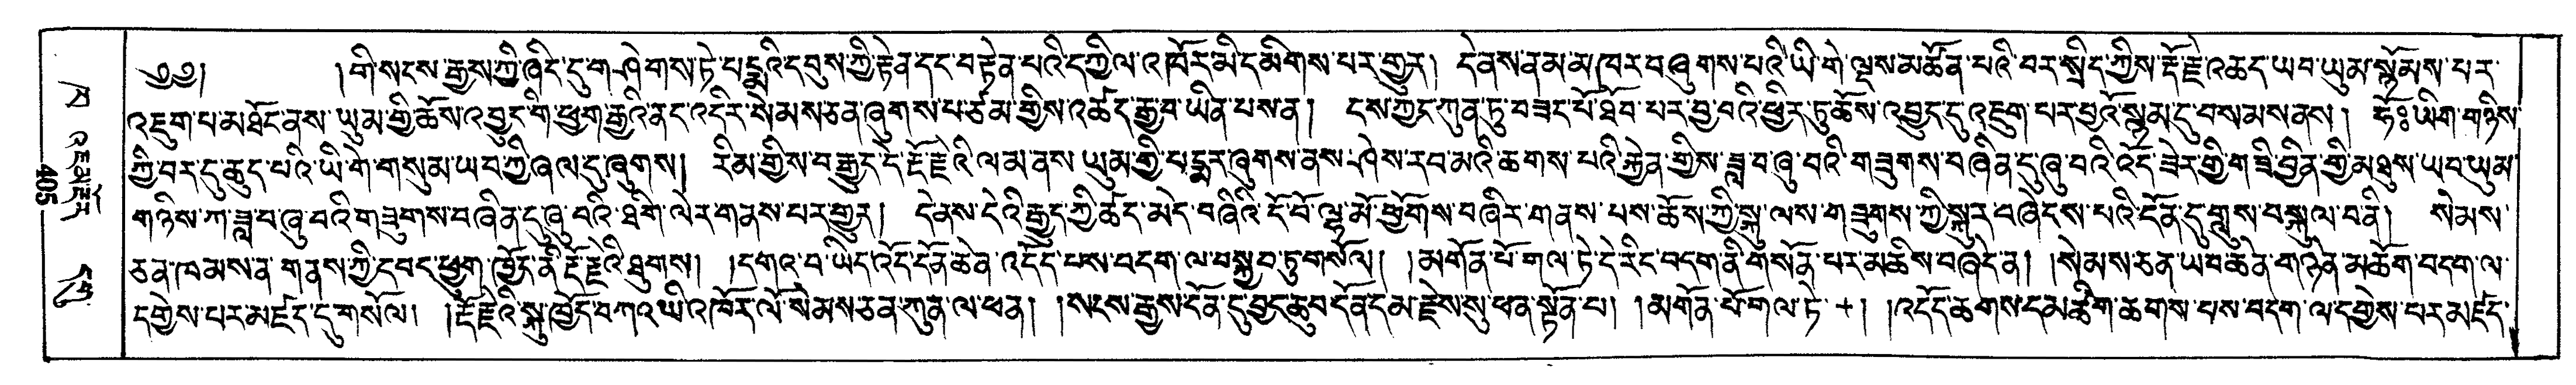༄༅། །གི་སངས་རྒྱས་ཀྱི་ཞིང་དུ་གཤེགས་ཏེ་པདམའི་དབུས་ཀྱི་རྟེན་དང་བརྟེན་པའི་དཀྱིལ་འཁོར་མི་དམིགས་པར་གྱུར། དེ་ནས་ནམ་མཁར་བཞུགས་པའི་ཡི་གེ་ལྔས་མཚོན་པའི་བར་གྱི་སྲིད་ཀྱིས་རྡོ་རྗེ་འཆང་ཡབ་ཡུམ་སྙོམས་པར་
འཇུག་པ་མཐོང་ནས་ཡུམ་གྱི་ཆོས་འབྱུང་གི་ཕྱག་རྒྱའི་ནང་འདིར་སེམས་ཅན་ཞུགས་པ་ཙམ་གྱིས་འཚང་རྒྱ་བ་ཡིན་པས་ན། ངས་ཀྱང་ཀུན་ཏུ་བཟང་པོ་ཐོབ་པར་བྱ་བའི་ཕྱིར་ཏུ་ཆོས་འབྱུང་དུ་འཇུག་པར་བྱའོ་སྙམ་དུ་བསམས་ནས། ཧོཿ ཡིག་གཉིས་
ཀྱི་བར་དུ་ཆུད་པའི་ཡི་གེ་གསུམ་ཡབ་ཀྱི་ཞལ་དུ་ཞུགས། རིམ་གྱིས་བརྒྱུད་དེ་རྡོ་རྗེའི་ལམ་ནས་ཡུམ་གྱི་པདམར་ཞུགས་ནས་ཤེས་རབ་མའི་ཚགས་པའི་རྐྱེན་གྱིས་ཟླ་བ་ཞུ་བའི་གཟུགས་བཞིན་དུ་ཞུ་བའི་འོད་ཟེར་གྱི་གཟི་བྱིན་གྱི་མཐུས་ཡབ་ཡུམ་
གཉིས་ཀ་ཟླ་བ་ཞུ་བའི་གཟུགས་བཞིན་དུ་ཞུ་བའི་ཐིག་ལེར་གནས་པར་གྱུར། དེ་ནས་དེའི་རྒྱུད་ཀྱི་ཚད་མེད་བཞིའི་ངོ་བོ་ལྷ་མོ་ཕྱོགས་བཞིར་གནས་པས་ཆོས་ཀྱི་སྐུ་ལས་གཟུགས་ཀྱི་སྐུར་བཞེངས་པའི་དོན་དུ་གླུས་བསྐུལ་བ་ནི། སེམས་
ཅན་ཁམས་ན་གནས་ཀྱི་དབང་ཕྱུག་ཁྱོད་ནི་རྡོ་རྗེའི་ཐུགས། །དགའ་བ་ཡིད་འོང་དོན་ཆེན་འདོད་པས་བདག་ལ་བསྐྱབ་ཏུ་གསོལ། །མགོན་པོ་གལ་ཏེ་དེ་རིང་བདག་ནི་གསོན་པར་མཆིས་བཞེད་ན། །སེམས་ཅན་ཡབ་ཆེན་གཉེན་མཆོག་བདག་ལ་
དགྱེས་པར་མཛད་དུ་གསོལ། །རྡོ་རྗེའི་སྐུ་ཁྱོད་བཀའ་ཡི་འཁོར་ལོ་སེམས་ཅན་ཀུན་ལ་ཕན། །སངས་རྒྱས་དོན་དུ་བྱང་ཆུབ་དོན་དམ་རྗེས་སུ་ཕན་སྟོན་པ། །མགོན་པོ་གལ་ཏེ་+། །འདོད་ཆགས་དམ་ཚིག་ཆགས་པས་བདག་ལ་དགྱེས་པར་མཛད་